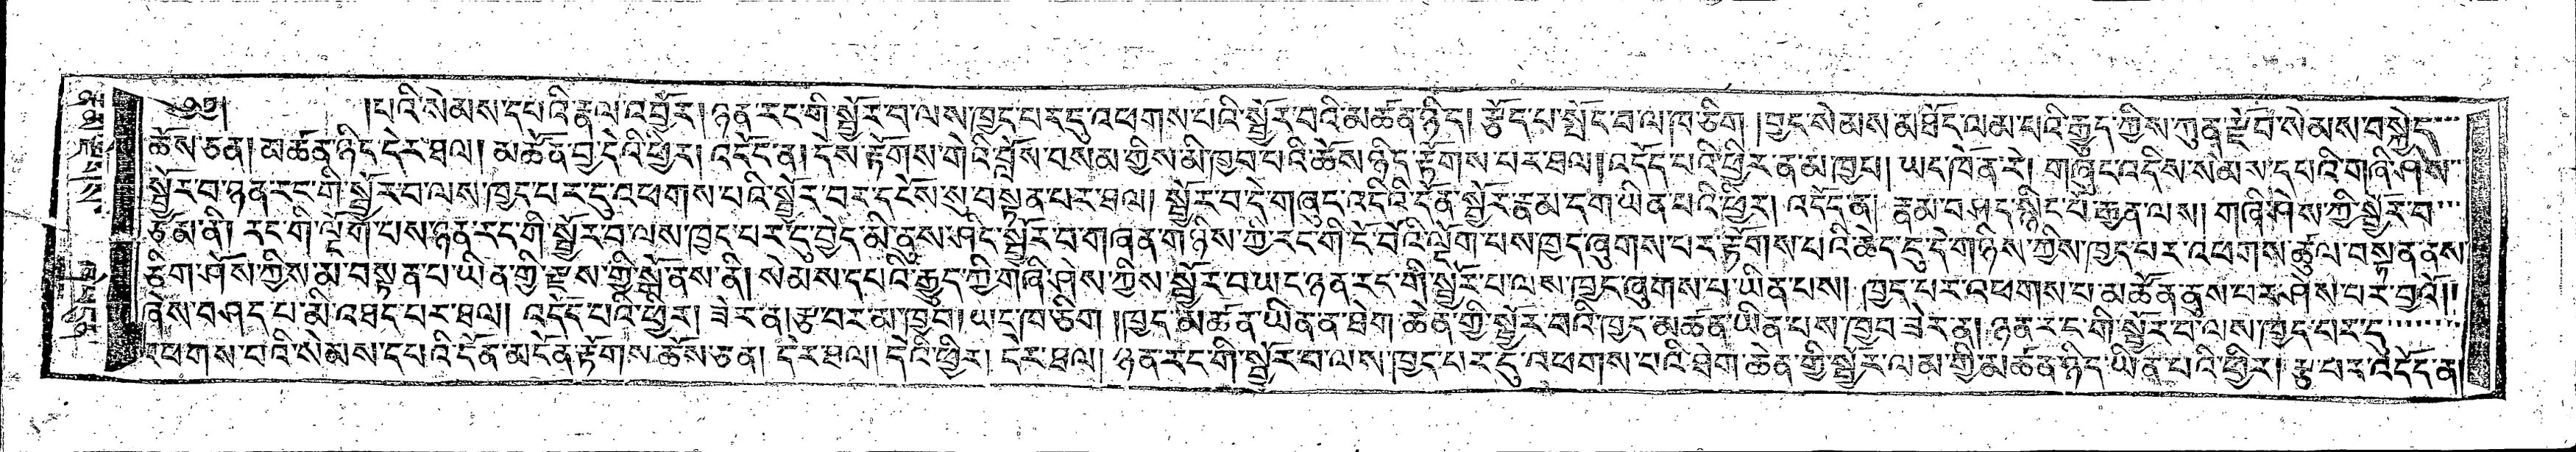༄༅། །པའི་སེམས་དཔའི་རྣལ་འབྱོར། ཉན་རང་གི་སྦྱོར་བ་ལས་ཁྱད་པར་དུ་འཕགས་པའི་སྦྱོར་བའི་མཚན་ཉིད། རྩོད་པ་སྤོང་བ་ལ་ཁ་ཅིག །བྱང་སེམས་མཐོང་ལམ་པའི་རྒྱུད་ཀྱི་ཀུན་རྫོབ་སེམས་བསྐྱེད་
ཆོས་ཅན། མཚན་ཉིད་དེར་ཐལ། མཚོན་བྱ་དེའི་ཕྱིར། འདོད་ན། དེས་རྟོགས་གེའི་བློས་བསམ་གྱིས་མི་ཁྱབ་པའི་ཆོས་ཉིད་རྟོགས་པར་ཐལ། འདོད་པའི་ཕྱིར་ན་མ་ཁྱབ། ཡང་ཁོ་ན་རེ། གཞུང་འདིས་སེམས་དཔའི་གཞི་ཤེས་
སྦྱོར་བ་ཉན་རང་གི་སྦྱོར་བ་ལས་ཁྱད་པར་དུ་འཕགས་པའི་སྦྱོར་བར་དངོས་སུ་བསྟན་པར་ཐལ། སྦྱོར་བ་དེ་གཞུང་འདིའི་དོན་སྦྱོར་རྣམ་དག་ཡིན་པའི་ཕྱིར། འདོད་ན། རྣམ་བཤད་སྙིང་པོ་རྒྱན་ལས། གཞི་ཤེས་ཀྱི་སྦྱོར་བ་
ཙམ་ནི། རང་གི་ལྡོག་པས་ཉན་རང་གི་སྦྱོར་བ་ལས་ཁྱད་པར་དུ་བྱེད་མི་ནུས་ཤིང་སྦྱོར་བ་གཞན་གཉིས་ཀྱི་རང་གི་ངོ་བོའི་ལྡོག་པས་ཁྱད་ཞུགས་པར་རྟོགས་པའི་ཆེད་དུ་དེ་གཉིས་ཀྱིས་ཁྱད་པར་འཕགས་ཚུལ་བསྟན་ནས་
ཅིག་ཤོས་ཀྱིས་མ་བསྟན་པ་ཡིན་གྱི་རྫས་གྱི་སྒོ་ནས་ནི། སེམས་དཔའི་རྒྱུད་ཀྱི་གཞི་ཤེས་ཀྱི་སྦྱོར་བ་ཡང་ཉན་རང་གི་སྦྱོར་བ་ལས་ཁྱད་ཞུགས་པ་ཡིན་པས། ཁྱད་པར་འཕགས་པ་མཚོན་ནུས་པར་ཤེས་པར་བྱའོ། །
ཞེས་བཤད་པ་མི་འཐད་པར་ཐལ། འདོད་པའི་ཕྱིར། ཟེར་ན། རྩ་བར་མ་ཁྱབ། ཡང་ཁ་ཅིག །ཁྱད་མཚན་ཡིན་ན་ཐེག་ཆེན་གྱི་སྦྱོར་བའི་ཁྱད་མཚན་ཡིན་པས་ཁྱབ་ཟེར་ན། ཉན་རང་གི་སྦྱོར་བ་ལས་ཁྱད་པར་དུ་
འཕགས་པའི་སེམས་དཔའི་དོན་མངོན་རྟོགས་ཆོས་ཅན། དེར་ཐལ། དེའི་ཕྱིར། དེར་ཐལ། ཉན་རང་གི་སྦྱོར་བ་ལས་ཁྱད་པར་དུ་འཕགས་པའི་ཐེག་ཆེན་གྱི་སྦྱོར་ལམ་གྱི་མཚན་ཉིད་ཡིན་པའི་ཕྱིར། རྩ་བར་འདོད་ན་